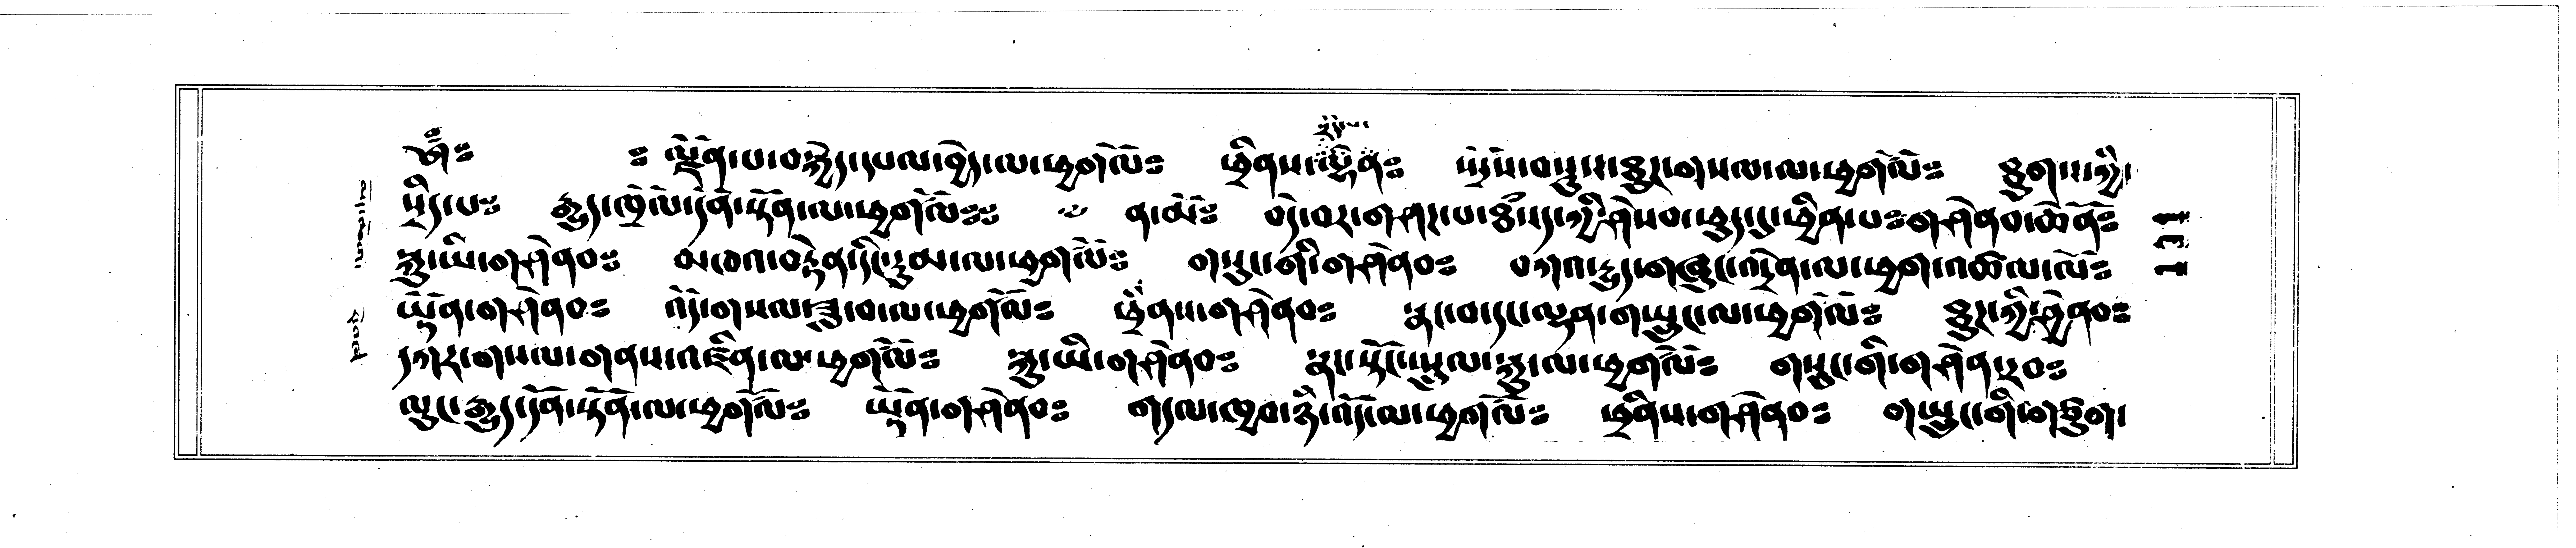ལྗོན་པ་སྐྱེད་དཔལ་བྱེད་ལ་ཕྱག་འཚལ་ལོཿ ཕྲིན་ལས་ཀྱི་སྲིད་པཿ སྤྲོས་བསྡུས་ཐུགས་གསལ་ལ་ཕྱག་འཚལ་ལོཿ ཐུགས་ཀྱི་
སྲིད་པཿ རྒྱུད་ཁྲོལ་དོན་སྟོན་ལ་ཕྱག་འཚལ་ལོཿ ན་མོ་བདེ་བར་གཤེགས་པ་ཐམས་ཅད་ཀྱི་ཤེས་རབ་ཕུལ་ཏུ་ཕྱིན་པའི་གཤེན་རབ་ཆེན་པོཿ 
སྐུ་ཡི་གཤེན་རབཿ མཁའ་རྟེན་དིང་རུམ་ལ་ཕྱག་འཚལ་ལོཿ གསུང་གི་གཤེན་རབཿ བཀའ་བརྒྱུད་གཞུང་འདྲེན་ལ་ཕྱག་འཚལ་ལོཿ 
ཡོན་ཏན་གྱི་གཤེན་རབཿ འོད་གསལ་ཟླ་བ་ལ་ཕྱག་འཚལ་ལོཿ ཕྲིན་ལས་ཀྱི་གཤེན་རབཿ སྣང་བ་དོན་ལྡན་གཡུང་དྲུང་ལ་ཕྱག་འཚལ་ལོཿ ཐུགས་ཀྱི་གཤེན་རབཿ 
དཀར་གསལ་གནས་འཛིན་ལ་ཕྱག་འཚལ་ལོཿ སྐུ་ཡི་གཤེན་རབཿ སྣང་སྟོང་སྤྲུལ་སྐུ་ལ་ཕྱག་འཚལ་ལོཿ གསུང་གི་གཤེན་རབཿ 
ལུང་རྒྱུད་དོན་སྟོན་ལ་ཕྱག་འཚལ་ལོཿ ཡོན་ཏན་གྱི་གཤེན་རབཿ གདལ་ཁྱབ་ཉི་འོད་ལ་ཕྱག་འཚལ་ལོཿ ཕྲིན་ལས་ཀྱི་གཤེན་རབཿ གཡུང་གི་གཙུག་